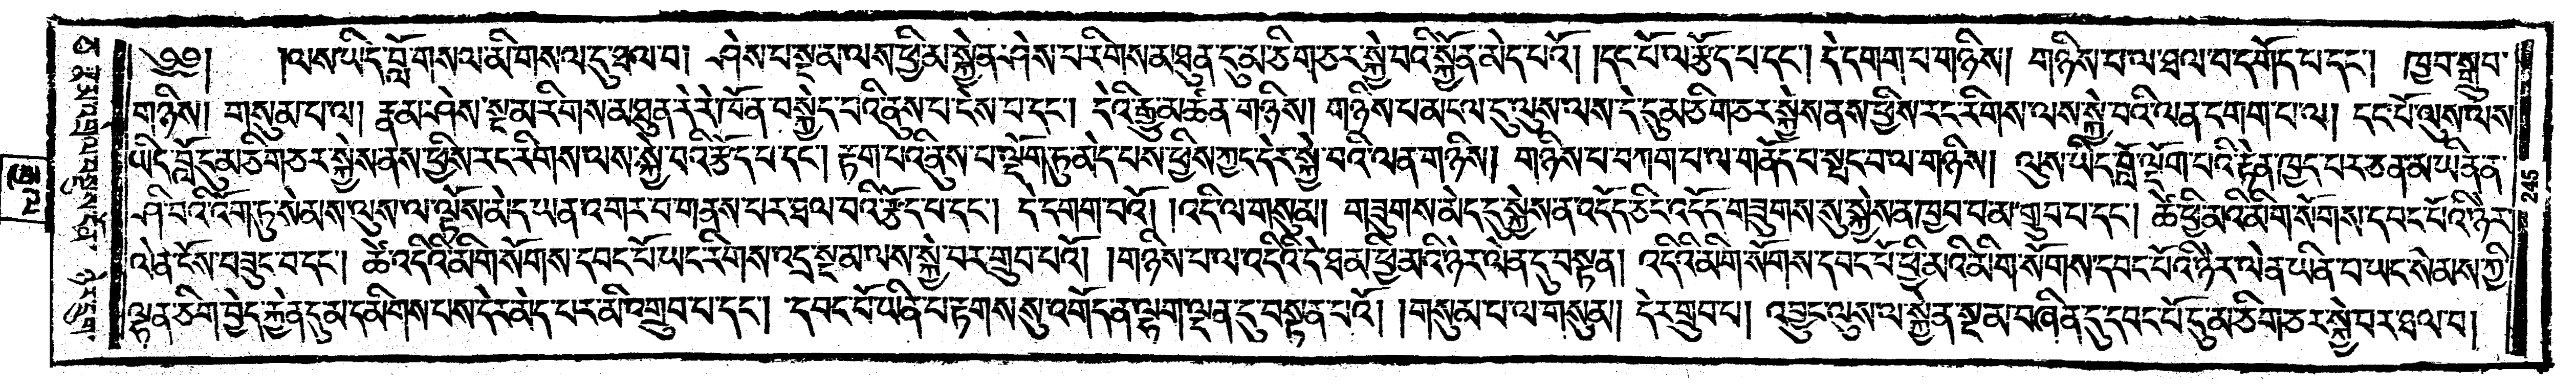༄༅། །ལས་ཡིད་བློ་གསལ་མི་གསལ་དུ་ཐལ་བ། ཤེས་པ་སྔ་མ་ལས་ཕྱི་མ་སྐྱེ་ན་ཤེས་པ་རིགས་མཐུན་དུ་མ་ཅིག་ཅར་སྐྱེ་བའི་སྐྱོན་མེད་པའོ། །དང་པོ་ལ་རྩོད་པ་དང་། དེ་དགག་པ་གཉིས། གཉིས་པ་ལ་ཐལ་བ་དགོད་པ་དང་། ཁྱབ་སྒྲུབ་
གཉིས། གསུམ་པ་ལ། རྣམ་ཤེས་སྔ་མ་རིགས་མཐུན་རེ་རེ་ཁོ་ན་བསྐྱེད་པའི་ནུས་པ་ངེས་པ་དང་། དེའི་རྒྱུ་མཚན་གཉིས། གཉིས་པ་མངལ་དུ་ལུས་ལས་དེ་དུ་མ་ཅིག་ཅར་སྐྱེས་ནས་ཕྱིས་རང་རིགས་ལས་སྐྱེ་བའི་ལན་དགག་པ་ལ། དང་པོ་ལུས་ལས་
ཡིད་བློ་དུ་མ་ཅིག་ཅར་སྐྱེས་ནས་ཕྱིས་རང་རིགས་ལས་སྐྱེ་བའི་རྩོད་པ་དང་། རྟག་པའི་ནུས་པ་ལྡོག་ཏུ་མེད་པས་ཕྱིས་ཀྱང་དེར་སྐྱེ་བའི་ལན་གཉིས། གཉིས་པ་བཀག་པ་ལ་གནོད་པ་སྤང་བ་ལ་གཉིས། ལུས་ཡིད་བློ་ལྡོག་པའི་རྟེན་ཁྱད་པར་ཅན་མ་ཡིན་ན་
ཤི་བའི་འོག་ཏུ་སེམས་ལུས་ལ་ལྟོས་མེད་ཡན་འགར་བ་གནས་པར་ཐལ་བའི་རྩོད་པ་དང་། དེ་དགག་པའོ། །འདི་ལ་གསུམ། གཟུགས་མེད་དུ་སྐྱེས་ན་འདོད་ཅིང་འདོད་གཟུགས་སུ་སྐྱེས་ན་ཁྱབ་པ་མ་གྲུབ་པ་དང་། ཚེ་ཕྱི་མའི་མིག་སོགས་དབང་པོའི་ཉེར་
ལེན་ངོས་བཟུང་བ་དང་། ཚེ་འདིའི་མིག་སོགས་དབང་པོ་ཡང་རིགས་འདྲ་སྔ་མ་ལས་སྐྱེ་བར་གྲུབ་པའོ། །གཉིས་པ་ལ་འདིའི་དེ་ཐ་མ་ཕྱི་མའི་ཉེར་ལེན་དུ་བསྟན། འདིའི་མིག་སོགས་དབང་པོ་ཕྱི་མའི་མིག་སོགས་དབང་པོའི་ཉེར་ལེན་ཡིན་པ་ཡང་སེམས་ཀྱི་
ལྷན་ཅིག་བྱེད་རྐྱེན་དུ་མ་དམིགས་པས་དེར་མེད་པར་མི་འགྲུབ་པ་དང་། དབང་པོ་ཡིན་པ་རྟགས་སུ་འགོད་ན་ལྷག་ལྡན་དུ་བསྟན་པའོ། །གསུམ་པ་ལ་གསུམ། དེར་གྲུབ་པ། འབྱུང་ལུས་ལ་སྐྱེ་ན་སྔ་མ་བཞིན་དུ་དབང་པོ་དུ་མ་ཅིག་ཅར་སྐྱེ་བར་ཐལ་བ།